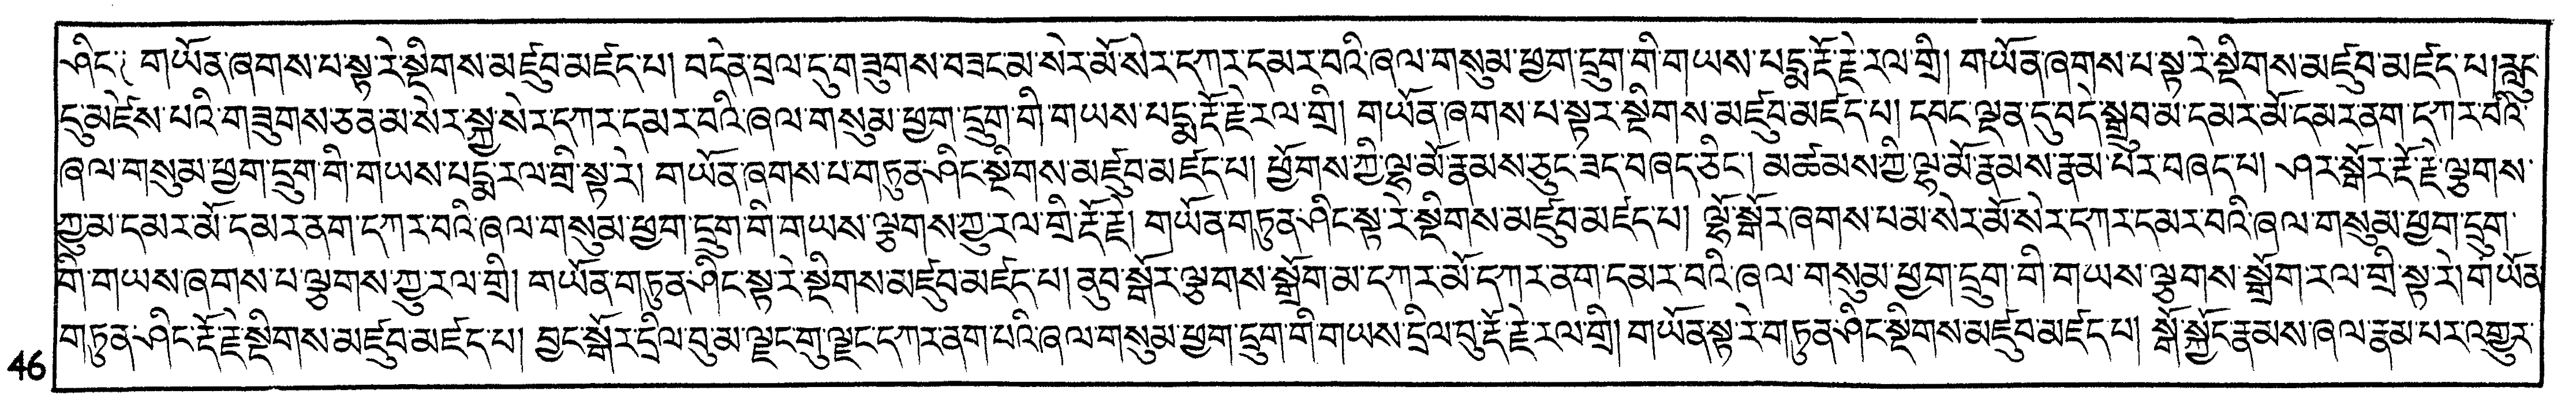ཤིང༑ གཡོན་ཞགས་པ་སྟ་རེ་སྡིགས་མཛུབ་མཛད་པ། བདེན་བྲལ་དུ་གཟུགས་བཟང་མ་སེར་མོ་སེར་དཀར་དམར་བའི་ཞལ་གསུམ་ཕྱག་དྲུག་གི་གཡས་པདམ་རྡོ་རྗེ་རལ་གྲི། གཡོན་ཞགས་པ་སྟ་རེ་སྡིགས་མཛུབ་མཛད་པ། རླུང་
དུ་མཛེས་པའི་གཟུགས་ཅན་མ་སེར་སྐྱ་སེར་དཀར་དམར་བའི་ཞལ་གསུམ་ཕྱག་དྲུག་གི་གཡས་པདམ་རྡོ་རྗེ་རལ་གྲི། གཡོན་ཞགས་པ་སྟར་སྡིགས་མཛུབ་མཛད་པ། དབང་ལྡན་དུ་བདེ་སྒྲུབ་མ་དམར་མོ་དམར་ནག་དཀར་བའི་
ཞལ་གསུམ་ཕྱག་དྲུག་གི་གཡས་པདམ་རལ་གྲི་སྟ་རེ། གཡོན་ཞགས་པ་གཏུན་ཤིང་སྡིགས་མཛུབ་མཛད་པ། ཕྱོགས་ཀྱི་ལྷ་མོ་རྣམས་ཅུང་ཟད་བཞད་ཅིང་། མཚམས་ཀྱི་ལྷ་མོ་རྣམས་རྣམ་པར་བཞད་པ། ཤར་སྒོར་རྡོ་རྗེ་ལྕགས་
ཀྱུ་མ་དམར་མོ་དམར་ནག་དཀར་བའི་ཞལ་གསུམ་ཕྱག་དྲུག་གི་གཡས་ལྕགས་ཀྱུ་རལ་གྲི་རྡོ་རྗེ། གཡོན་གཏུན་ཤིང་སྟ་རེ་སྡིགས་མཛུབ་མཛད་པ། ལྷོ་སྒོར་ཞགས་པ་མ་སེར་མོ་སེར་དཀར་དམར་བའི་ཞལ་གསུམ་ཕྱག་དྲུག་
གི་གཡས་ཞགས་པ་ལྕགས་ཀྱུ་རལ་གྲི། གཡོན་གཏུན་ཤིང་སྟ་རེ་སྡིགས་མཛུབ་མཛད་པ། ནུབ་སྒོར་ལྕགས་སྒྲོག་མ་དཀར་མོ་དཀར་ནག་དམར་བའི་ཞལ་གསུམ་ཕྱག་དྲུག་གི་གཡས་ལྕགས་སྒྲོག་རལ་གྲི་སྟ་རེ། གཡོན་
གཏུན་ཤིང་རྡོ་རྗེ་སྡིགས་མཛུབ་མཛད་པ། བྱང་སྒོར་དྲིལ་བུ་མ་ལྗང་གུ་ལྗང་དཀར་ནག་པའི་ཞལ་གསུམ་ཕྱག་དྲུག་གི་གཡས་དྲིལ་བུ་རྡོ་རྗེ་རལ་གྲི། གཡོན་སྟ་རེ་གཏུན་ཤིང་སྡིགས་མཛུབ་མཛད་པ། སྒོ་སྐྱོང་རྣམས་ཞལ་རྣམ་པར་འགྱུར་